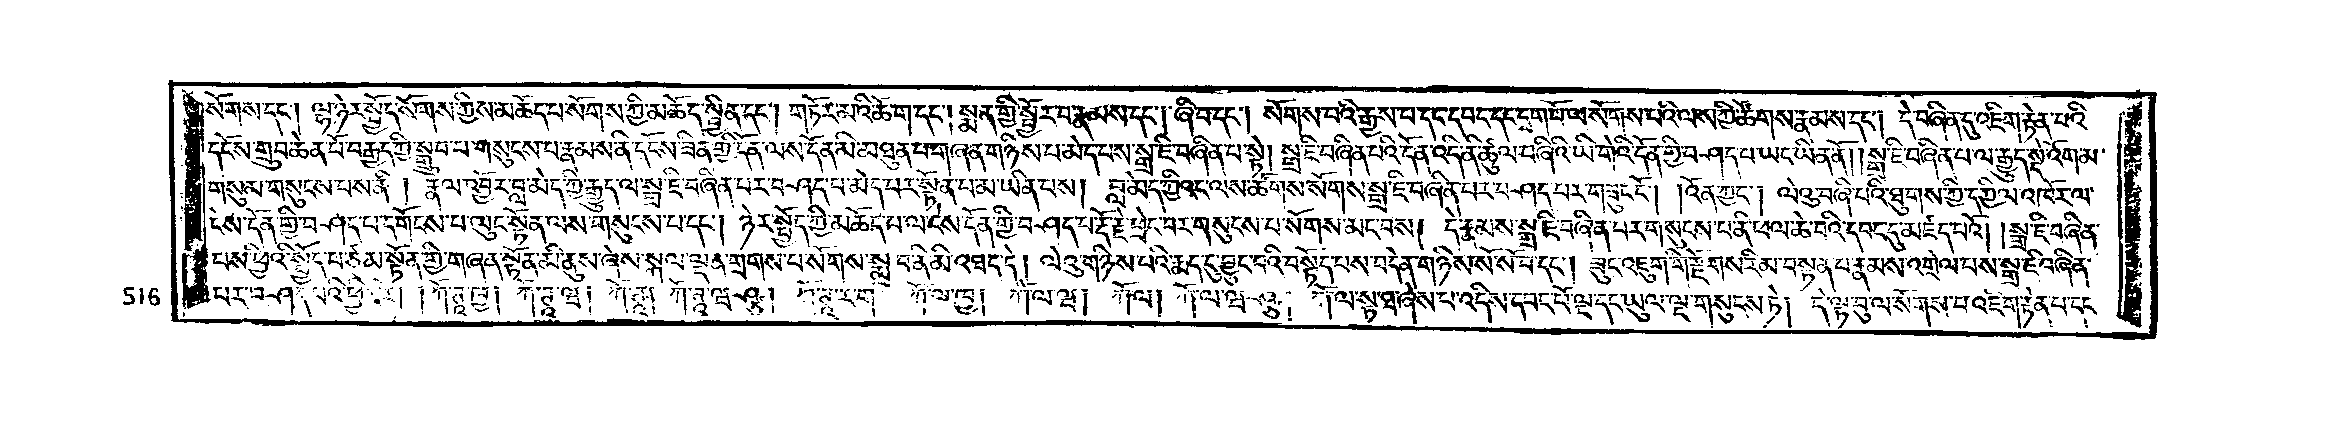སོགས་དང་། ལྷ་ཉེར་སྤྱོད་སོགས་ཀྱིས་མཆོད་པ་སོགས་ཀྱི་མཆོད་སྦྱིན་དང་། གཏོར་མའི་ཆོ་ག་དང་། སྨན་གྱི་སྦྱོར་བ་རྣམས་དང་། ཞི་བ་དང་། སོགས་པའི་རྒྱས་པ་དང་དབང་དང་དྲག་པོ་ལ་སོགས་པའི་ལས་ཀྱི་ཚོགས་རྣམས་དང་། དེ་བཞིན་དུ་འཇིག་རྟེན་པའི་
དངོས་གྲུབ་ཆེན་པོ་བརྒྱད་ཀྱི་སྒྲུབ་པ་གསུངས་པ་རྣམས་ནི་དངོས་ཟིན་གྱི་དོན་ལས་དོན་མི་མཐུན་པ་གཞན་གཉིས་པ་མེད་པས་སྒྲ་ཇི་བཞིན་པ་སྟེ། སྒྲ་ཇི་བཞིན་པའི་དོན་འདི་ནི་ཚུལ་བཞིའི་ཡི་གེའི་དོན་གྱི་བཤད་པ་ཡང་ཡིན་ནོ། །སྒྲ་ཇི་བཞིན་པ་ལ་རྒྱུད་སྡེ་འོག་མ་
གསུམ་གསུངས་པས་ནི། རྣལ་འབྱོར་བླ་མེད་ཀྱི་རྒྱུད་ལ་སྒྲ་ཇི་བཞིན་པར་བཤད་པ་མེད་པར་སྟོན་པ་མ་ཡིན་པས། བླ་མེད་ཀྱིའང་ལས་ཚོགས་སོགས་སྒྲ་ཇི་བཞིན་པར་བཤད་པར་གཟུང་ངོ། །འོན་ཀྱང་། ལེའུ་བཞི་པའི་ཐུགས་ཀྱི་དཀྱིལ་འཁོར་ལ་
ངེས་དོན་གྱི་བཤད་པ་དགོངས་པ་ལུང་སྟོན་ལས་གསུངས་པ་དང་། ཉེར་སྤྱོད་ཀྱི་མཆོད་པ་ལ་ངེས་དོན་གྱི་བཤད་པ་རྡོ་རྗེ་ཕྲེང་བར་གསུངས་པ་སོགས་མང་བས། དེ་རྣམས་སྒྲ་ཇི་བཞིན་པར་གསུངས་པ་ནི་ཕལ་ཆེ་བའི་དབང་དུ་མཛད་པའོ། །སྒྲ་ཇི་བཞིན་
པས་ཕྱིའི་སྤྱོད་པ་ཙམ་སྟོན་གྱི་གཞན་སྟོན་མི་ནུས་ཞེས་སྐལ་ལྡན་གྲགས་པ་སོགས་སྨྲ་བ་ནི་མི་འཐད་དེ། ལེའུ་གཉིས་པའི་རྨད་དུ་བྱུང་བའི་བསྟོད་པས་བདེན་གཉིས་སོ་སོ་བ་དང་། ཟུང་འཇུག་གི་རྫོགས་རིམ་བསྟན་པ་རྣམས་འགྲེལ་པས་སྒྲ་ཇི་བཞིན་
པར་བཤད་པའི་ཕྱིར་རོ། །ཀོ་ཊཱ་ཁྱ། ཀོ་ཊཱ་ཝ། ཀོ་ཊཱ། ཀོ་ཊཱ་ཝ་ཤྩ། ཀོ་ཊཱ་ར་ག །ཀོ་ལ་ཁྱ། ཀོ་ལ་ཝ། ཀོ་ལ། ཀོ་ལ་ཝ་ཤྩ། ཀོ་ལ་སྟ་ཐ་ཞེས་པ་འདིས་དབང་པོ་ལྔ་དང་ཡུལ་ལྔ་གསུངས་ཏེ། དེ་ལྟ་བུ་ལ་སོགས་པ་འཇིག་རྟེན་པ་དང་